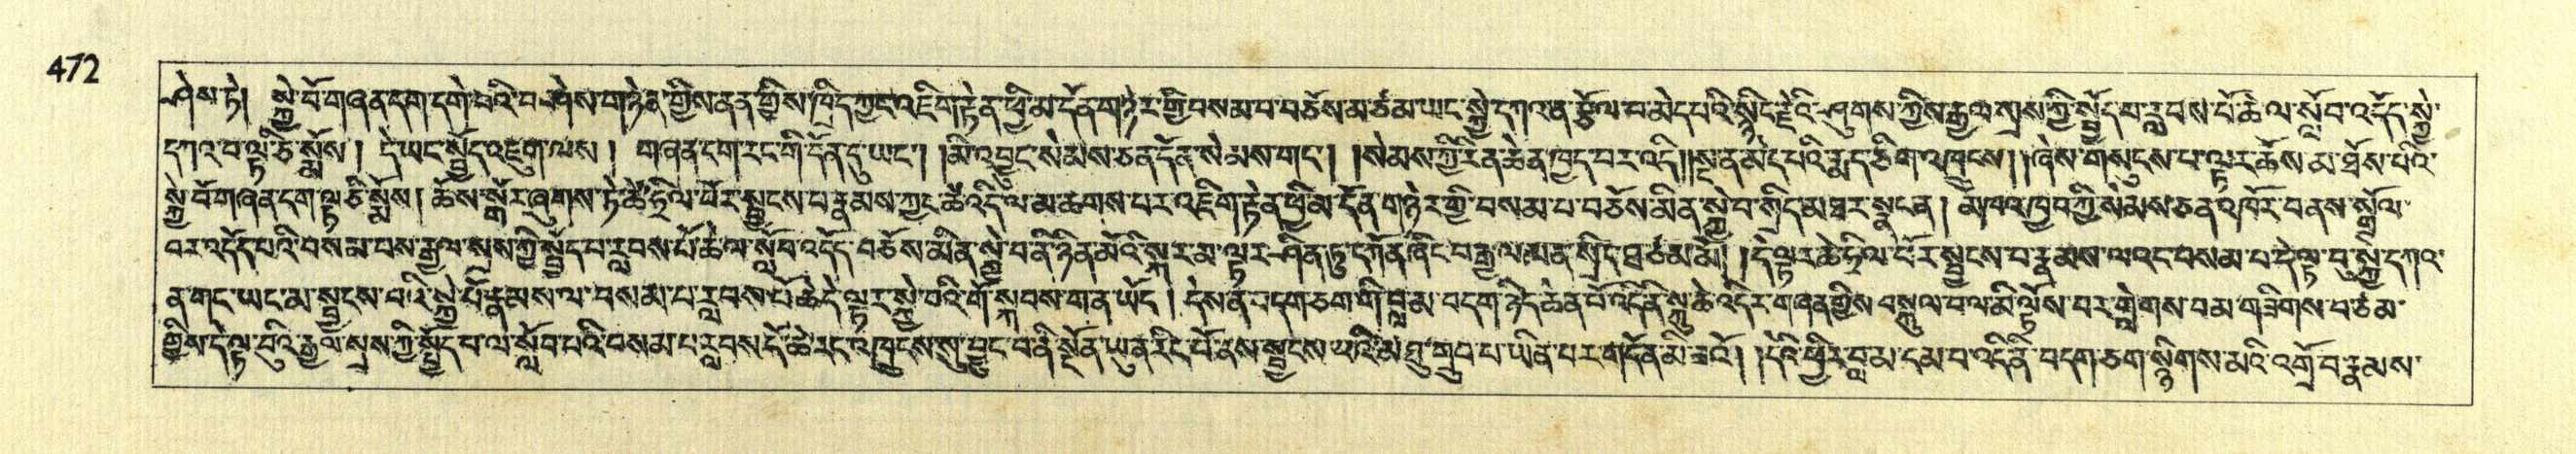ཤེས་ཏེ། སྐྱེ་བོ་གཞན་དག་དགེ་བའི་བཤེས་གཉེན་གྱིས་ནན་གྱིས་ཁྲིད་ཀྱང་འཇིག་རྟེན་ཕྱི་མ་དོན་གཉེར་གྱི་བསམ་པ་བཅོས་མ་ཙམ་ཡང་སྐྱེ་དཀའ་ན་རྩོལ་བ་མེད་པའི་སྙིང་རྗེའི་ཤུགས་ཀྱིས་རྒྱལ་སྲས་ཀྱི་སྤྱོད་པ་རླབས་པོ་ཆེ་ལ་སློབ་འདོད་སྐྱེ་
དཀའ་བ་ལྟ་ཅི་སྨོས། དེ་ཡང་སྤྱོད་འཇུག་ལས། གཞན་ངག་རང་གི་དོན་དུ་ཡང་། །མི་འབྱུང་སེམས་ཅན་དོན་སེམས་གང་། །སེམས་ཀྱི་རིན་ཆེན་ཁྱད་པར་འདི། །སྔ་ན་མེད་པའི་རྨད་ཅིག་འཁྲུངས། །ཞེས་གསུངས་པ་ལྟར་ཆོས་མ་ཐོས་པའི་
སྐྱེ་བོ་གཞན་དག་ལྟ་ཅི་སྨོས། ཆོས་སྒོར་ཞུགས་ཏེ་ཚེ་ཧྲིལ་པོར་སྦྱངས་པ་རྣམས་ཀྱང་ཚེ་འདི་ལ་མ་ཆགས་པར་འཇིག་རྟེན་ཕྱི་མ་དོན་གཉེར་གྱི་བསམ་པ་བཅོས་མིན་སྐྱེ་བ་སྲིད་མཐར་སྣང་ན། མཁའ་ཁྱབ་ཀྱི་སེམས་ཅན་འཁོར་བ་ནས་སྒྲོལ་
བར་འདོད་པའི་བསམ་པས་རྒྱལ་སྲས་ཀྱི་སྤྱོད་པ་རླབས་པོ་ཆེ་ལ་སློབ་འདོད་བཅོས་མིན་སྐྱེ་བ་ནི་ཉིན་མོའི་སྐར་མ་ལྟར་ཤིན་ཏུ་དཀོན་ཞིང་བརྒྱ་ལམ་ན་སྲིད་ཐ་ཙམ་མོ། །དེ་ལྟར་ཆེ་ཧྲིལ་པོར་སྦྱངས་པ་རྣམས་ལའང་བསམ་པ་དེ་ལྟ་བུ་སྐྱེ་དཀའ་
ན་གང་ཡང་མ་སྦྱངས་པའི་སྐྱེ་བོ་རྣམས་ལ་བསམ་པ་རླབས་པོ་ཆེ་དེ་ལྟར་སྐྱེ་བའི་གོ་སྐབས་ག་ན་ཡོད། དེས་ན་བདག་ཅག་གི་བླ་མ་བདག་ཉིད་ཆེན་པོ་འདི་ནི་སྐུ་ཆེ་འདིར་གཞན་གྱིས་བསྐུལ་བ་ལ་མི་ལྟོས་པར་གླེགས་བམ་གཟིགས་བ་ཙམ་
གྱིས་དེ་ལྟ་བུའི་རྒྱལ་སྲས་ཀྱི་སྤྱོད་པ་ལ་སློབ་པའི་བསམ་པ་རླབས་ངོ་ཚ་རང་འཁྲུངས་སུ་བྱུང་བ་ནི་སྔོན་ཡུན་རིང་པོ་ནས་སྦྱངས་པའི་མཐུ་གྲུབ་པ་ཡིན་པར་གདོན་མི་ཟའོ། །དེའི་ཕྱིར་བླ་མ་དམ་བ་འདི་ནི་བདག་ཅག་སྙིགས་མའི་འགྲོ་བ་རྣམས་